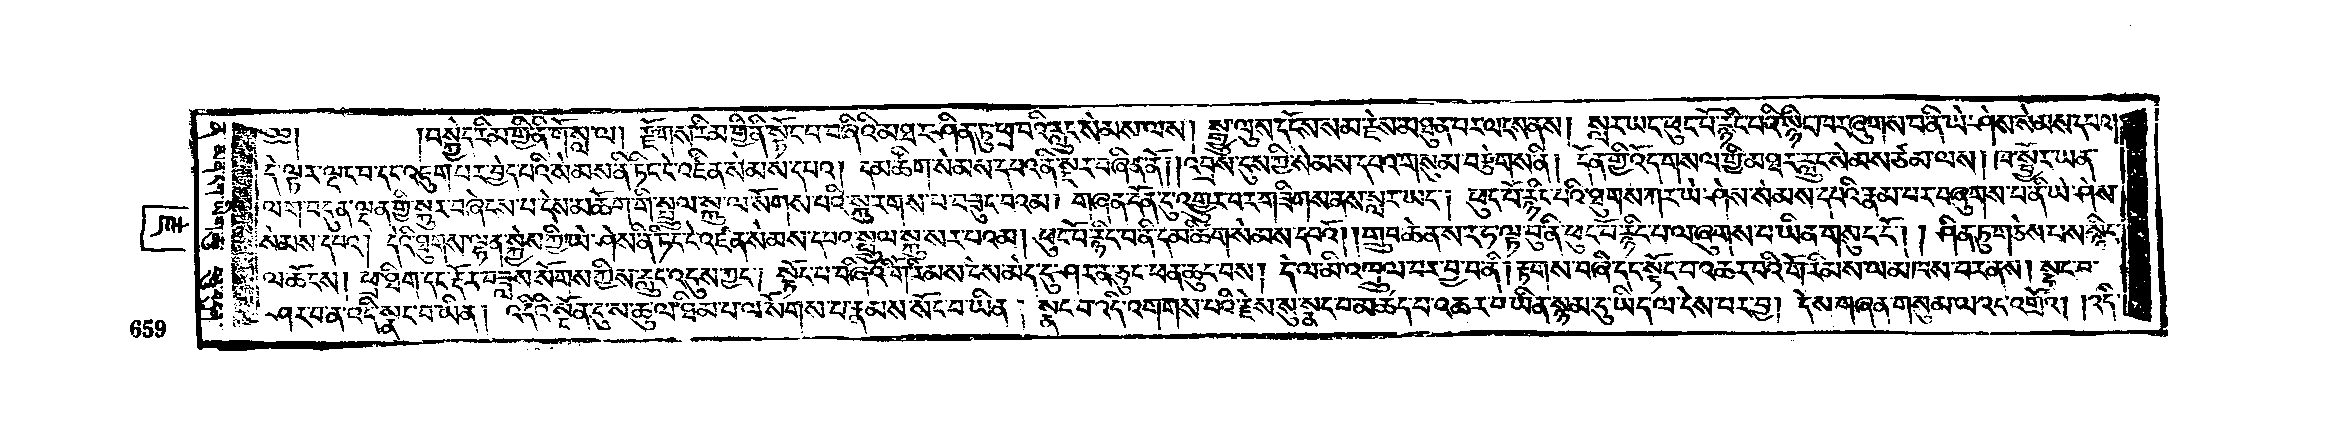༄༅། །བསྐྱེད་རིམ་གྱི་ནི་གོ་སླ་ལ། རྫོགས་རིམ་གྱི་ནི་སྟོང་པ་བཞིའི་མཐར་ཤིན་ཏུ་ཕྲ་བའི་རླུང་སེམས་ལས། སྒྱུ་ལུས་དངོས་སམ་རྗེས་མཐུན་པར་ལངས་ནས། སླར་ཡང་ཕུང་པོ་རྙིང་པའི་སྙིང་ཁར་ཞུགས་པ་ནི་ཡེ་ཤེས་སེམས་དཔའ།
དེ་ལྟར་ལྡང་བ་དང་འཇུག་པར་བྱེད་པའི་སེམས་ནི་ཏིང་ངེ་འཛིན་སེམས་དཔའ། དམ་ཚིག་སེམས་དཔའ་ནི་སྔར་བཞིན་ནོ། །འབྲས་དུས་ཀྱི་སེམས་དཔའ་གསུམ་བརྩེགས་ནི། དོན་གྱི་འོད་གསལ་གྱི་མཐར་རླུང་སེམས་ཙམ་ལས། ཁ་སྦྱོར་ཡན་
ལག་བདུན་ལྡན་གྱི་སྐུར་བཞེངས་པ་ངེས་མཆོག་གི་སྤྲུལ་སྐུ་ལ་སོགས་པའི་སྐུ་རགས་པ་བཟུང་བའམ། གཞན་དོན་དུ་འགྱུར་བར་གཟིགས་ནས་སླར་ཡང་། ཕུང་པོ་རྙིང་པའི་ཐུགས་ཀར་ཡེ་ཤེས་སེམས་དཔའི་རྣམ་པར་བཞུགས་པ་ནི་ཡེ་ཤེས་
སེམས་དཔའ། དེའི་ཐུགས་ལྷན་སྐྱེས་ཀྱི་ཡེ་ཤེས་ནི་ཏིང་ངེ་འཛིན་སེམས་དཔའ་སྤྲུལ་སྐུ་སར་པའམ། ཕུང་པོ་རྙིང་པ་ནི་དམ་ཚིག་སེམས་དཔའོ། །གྲུབ་ཆེན་ས་ར་ཧ་ལྟ་བུ་ནི་ཕུང་པོ་རྙིང་པ་ལ་ཞུགས་པ་ཡིན་གསུང་ངོ། །ཤིན་ཏུ་གཅེས་པས་སྙིང་
ལ་ཆོངས། ཕྲ་ཐིག་དང་རྡོར་བཟླས་སོགས་ཀྱིས་རླུང་འདུས་ཀྱང་། སྟོང་པ་བཞིའི་གོ་རིམས་ངེས་མེད་དུ་ཤར་ན་ཅུང་ཕན་ཆུང་བས། དེ་ལ་མི་འཁྲུལ་བར་བྱ་བ་ནི། རྟགས་བཞི་དང་སྟོང་པ་འཆར་བའི་གོ་རིམས་ལ་མཁས་པར་ནས། སྣང་བ་
ཤར་བ་ན་འདི་སྣང་བ་ཡིན། འདིའི་སྔོན་དུ་ས་ཆུ་ལ་ཐིམ་པ་ལ་སོགས་པ་རྣམས་སོང་བ་ཡིན། སྣང་བ་འདི་འགགས་པའི་རྗེས་སུ་སྣང་བ་མཆེད་པ་འཆར་བ་ཡིན་སྙམ་དུ་ཡིད་ལ་ངེས་པར་བྱ། དེས་གཞན་གསུམ་ལའང་འགྲེའོ། །འདི་